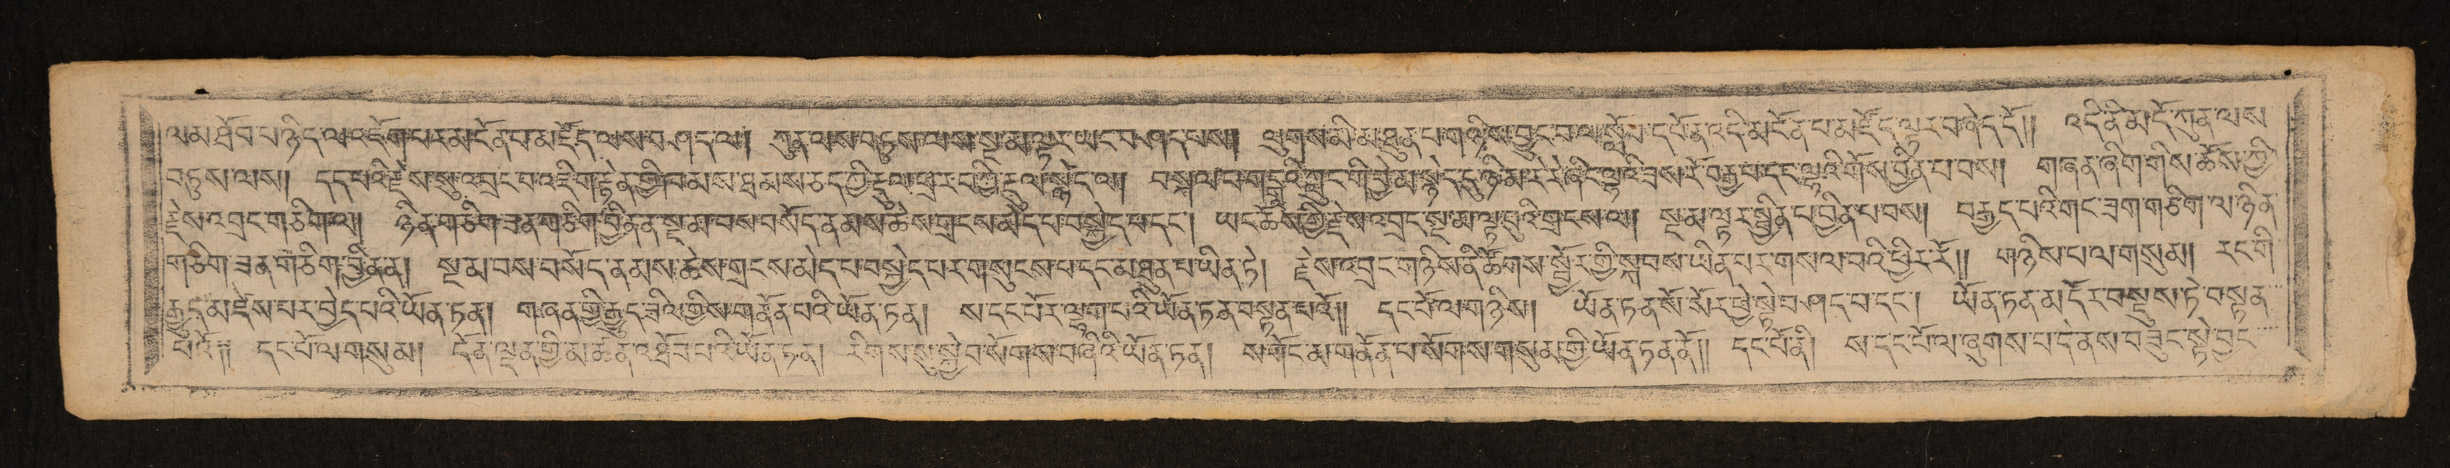ལམ་ཐོབ་པ་ཉིད་ལ་འཇོག་པར་མངོན་པ་མཛོད་ལས་བཤད་ལ། ཀུན་ལས་བཏུས་ལས་སྔ་མ་ལྟར་ཡང་བཤད་པས། ལུགས་མི་མཐུན་པ་གཉིས་བྱུང་བ་ལ་སློབ་དཔོན་འདི་མངོན་པ་མཛོད་ལྟར་བཞེད་དོ།། འདི་ནི་མདོ་ཀུན་ལས་
བཏུས་ལས། དད་པའི་རྗེས་སུ་འབྲང་བ་འཇིག་རྟེན་གྱི་ཁམས་ཐམས་ཅད་ཀྱི་རྡུལ་ཕྲ་རབ་ཀྱི་རྡུལ་སྙེད་ལ། བསྐལ་པ་གངྒཱའི་ཀླུང་གི་བྱེ་མ་སྙེད་དུ་ཉི་མ་རེ་རེ་ཞིང་ལྷའི་ཟས་རོ་བརྒྱ་པ་དང་ལྷའི་གོས་བྱིན་པ་བས། གཞན་ཞིག་གིས་ཆོས་ཀྱི་
རྗེས་འབྲང་གཅིག་ལ། ཉིན་གཅིག་ཟན་གཅིག་བྱིན་ན་སྔ་མ་བས་བསོད་ནམས་ཆེས་གྲངས་མེད་པ་བསྐྱེད་པ་དང་། ཡང་ཆོས་ཀྱི་རྗེས་འབྲང་སྔ་མ་ལྟ་བུའི་གྲངས་ལ། སྔ་མ་ལྟར་སྦྱིན་པ་བྱིན་པ་བས། བརྒྱད་པའི་གང་ཟག་གཅིག་ལ་ཉིན་
གཅིག་ཟན་གཅིག་བྱིན་ན། སྔ་མ་བས་བསོད་ནམས་ཆེས་གྲངས་མེད་པ་བསྐྱེད་པར་གསུངས་པ་དང་མཐུན་པ་ཡིན་ཏེ། རྗེས་འབྲང་གཉིས་ནི་ཚོགས་སྦྱོར་གྱི་སྐབས་ཡིན་པར་གསལ་བའི་ཕྱིར་རོ།། གཉིས་པ་ལ་གསུམ། རང་གི་
རྒྱུད་མཛེས་པར་བྱེད་པའི་ཡོན་ཏན། གཞན་གྱི་རྒྱུད་ཟིལ་གྱིས་གནོན་པའི་ཡོན་ཏན། ས་དང་པོར་ལྷག་པའི་ཡོན་ཏན་བསྟན་པའོ།། དང་པོ་ལ་གཉིས། ཡོན་ཏན་སོ་སོར་ཕྱེ་སྟེ་བཤད་པ་དང་། ཡོན་ཏན་མདོར་བསྡུས་ཏེ་བསྟན་
པའོ།། དང་པོ་ལ་གསུམ། དོན་ལྡན་གྱི་མཚན་འཐོབ་པའི་ཡོན་ཏན། རིགས་སུ་སྐྱེ་བ་སོགས་བཞིའི་ཡོན་ཏན། ས་གོང་མ་གནོན་པ་སོགས་གསུམ་གྱི་ཡོན་ཏན་ནོ།། དང་པོ་ནི། ས་དང་པོ་ལ་ཞུགས་པ་དེ་ནས་བཟུང་སྟེ་བྱང་